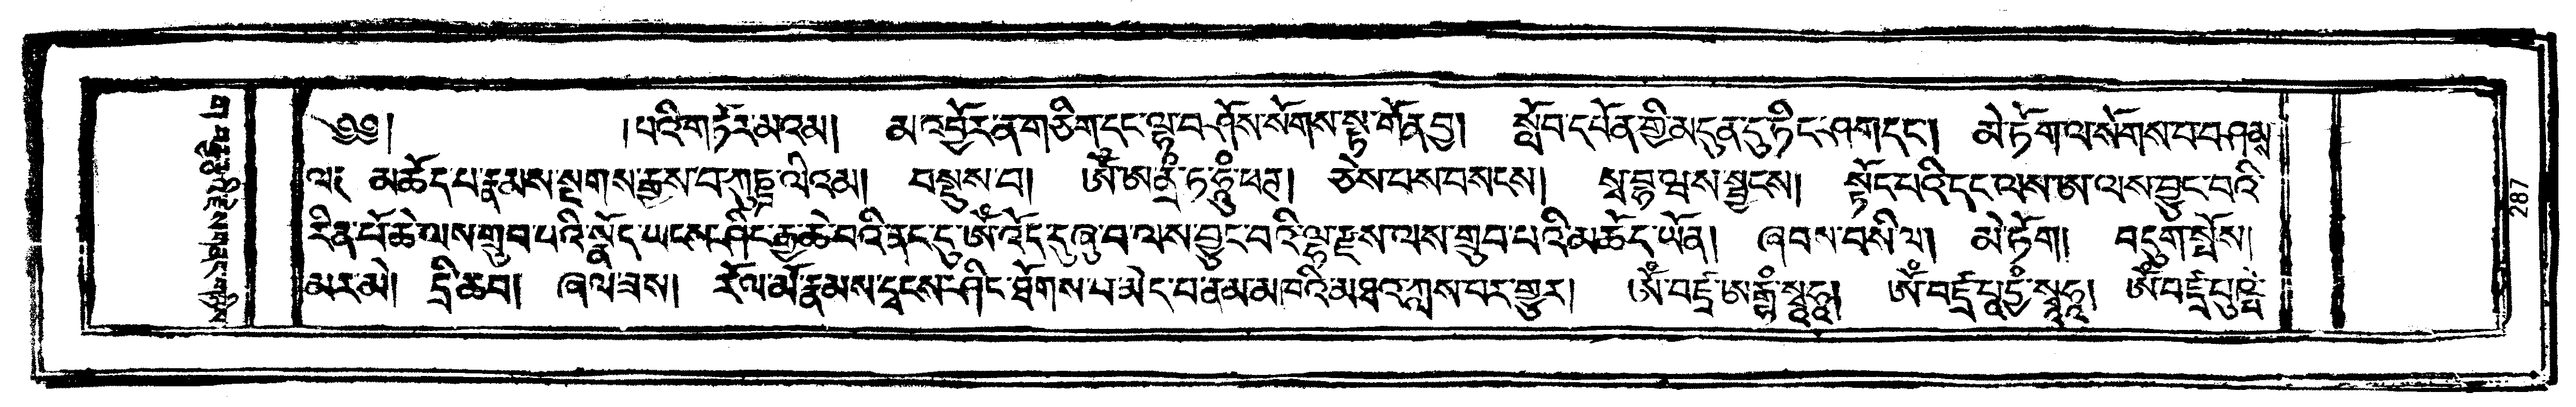༄༅། །པའི་གཏོར་མའམ། མ་འབྱོར་ན་གཅིག་དང་ལྷ་བཤོས་སོགས་སྟ་གོན་བྱ། སློབ་དཔོན་གྱི་མདུན་དུ་ཏིང་ཤག་དང་། མེ་ཏོག་ལ་སོགས་པ་བཤམས་
ལ༑ མཆོད་པ་རྣམས་སྔགས་རྒྱས་བ་ཀུཎྜ་ལིའམ། བསྡུས་པ། ཨོཾ་ཨ་ནྲྀ་ཏ་ཧཱུཾ་ཕཊ། ཅེས་པས་བསངས། སྭ་བྷ་ཝས་སྦྱངས། སྟོང་པའི་ངང་ལས་ཨ་ལས་བྱུང་བའི་
རིན་པོ་ཆེ་ལས་གྲུབ་པའི་སྣོད་ཡངས་ཤིང་རྒྱ་ཆེ་བའི་ནང་དུ་ཨོཾ་འོད་དུ་ཞུ་བ་ལས་བྱུང་བའི་ལྷ་རྫས་ལས་གྲུབ་པའི་མཆོད་ཡོན། ཞབས་བསིལ། མེ་ཏོག། བདུག་སྤོས།
མར་མེ། དྲི་ཆབ། ཞལ་ཟས། རོལ་མོ་རྣམས་དྭངས་ཤིང་ཐོགས་པ་མེད་པ་ནམ་མཁའི་མཐའ་ཀླས་པར་གྱུར། ཨོཾ་བཛྲ་ཨརྒྷཾ་སྭཱཧཱ། ཨོཾ་བཛྲ་པཱདྱཾ་སྭཱཧཱ། ཨོཾ་བཛྲ་པུཥྤེ་